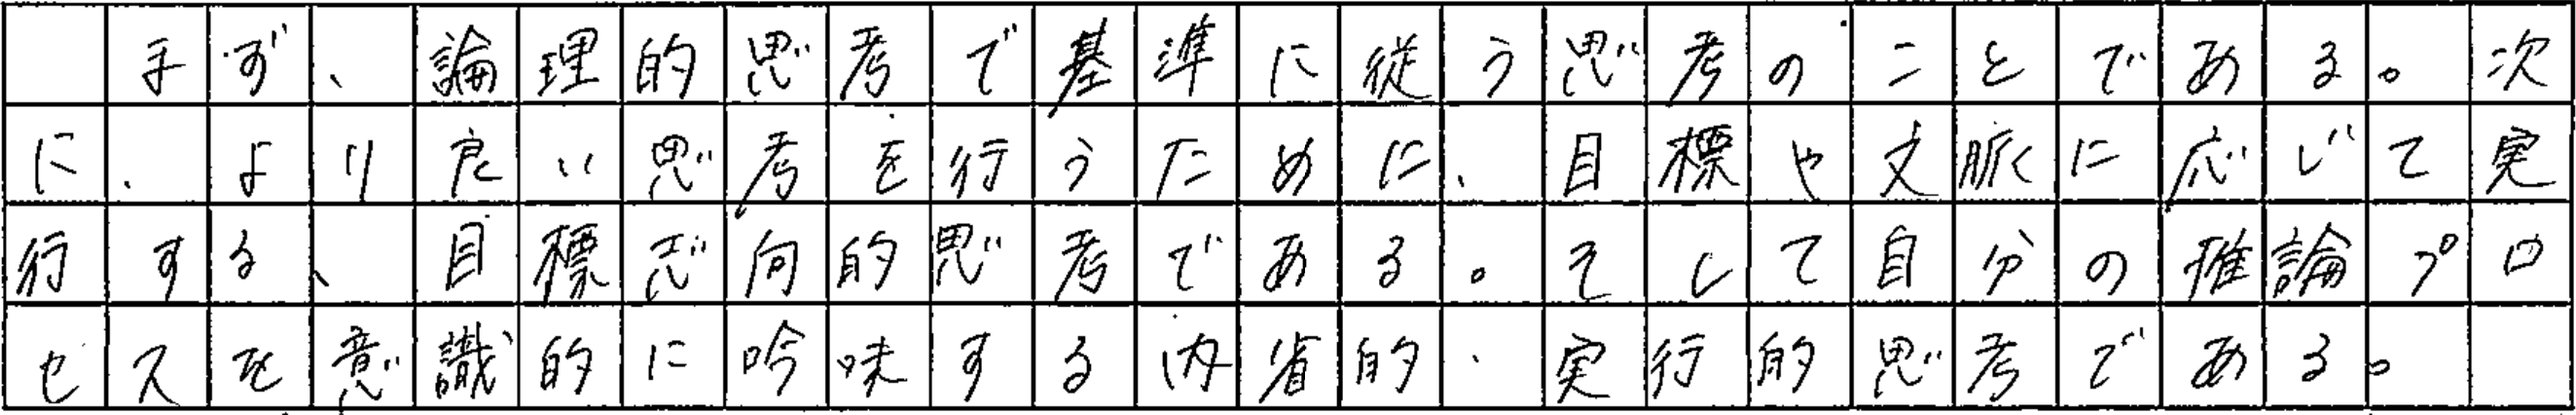　まず、論理的思考で基準に従う思考のことである。次に、より良い思考を行うために、目標や文脈に応じて実行する、目標志向的思考である。そして自分の推論プロセスを意識的に吟味する内省的・実行的思考である。
